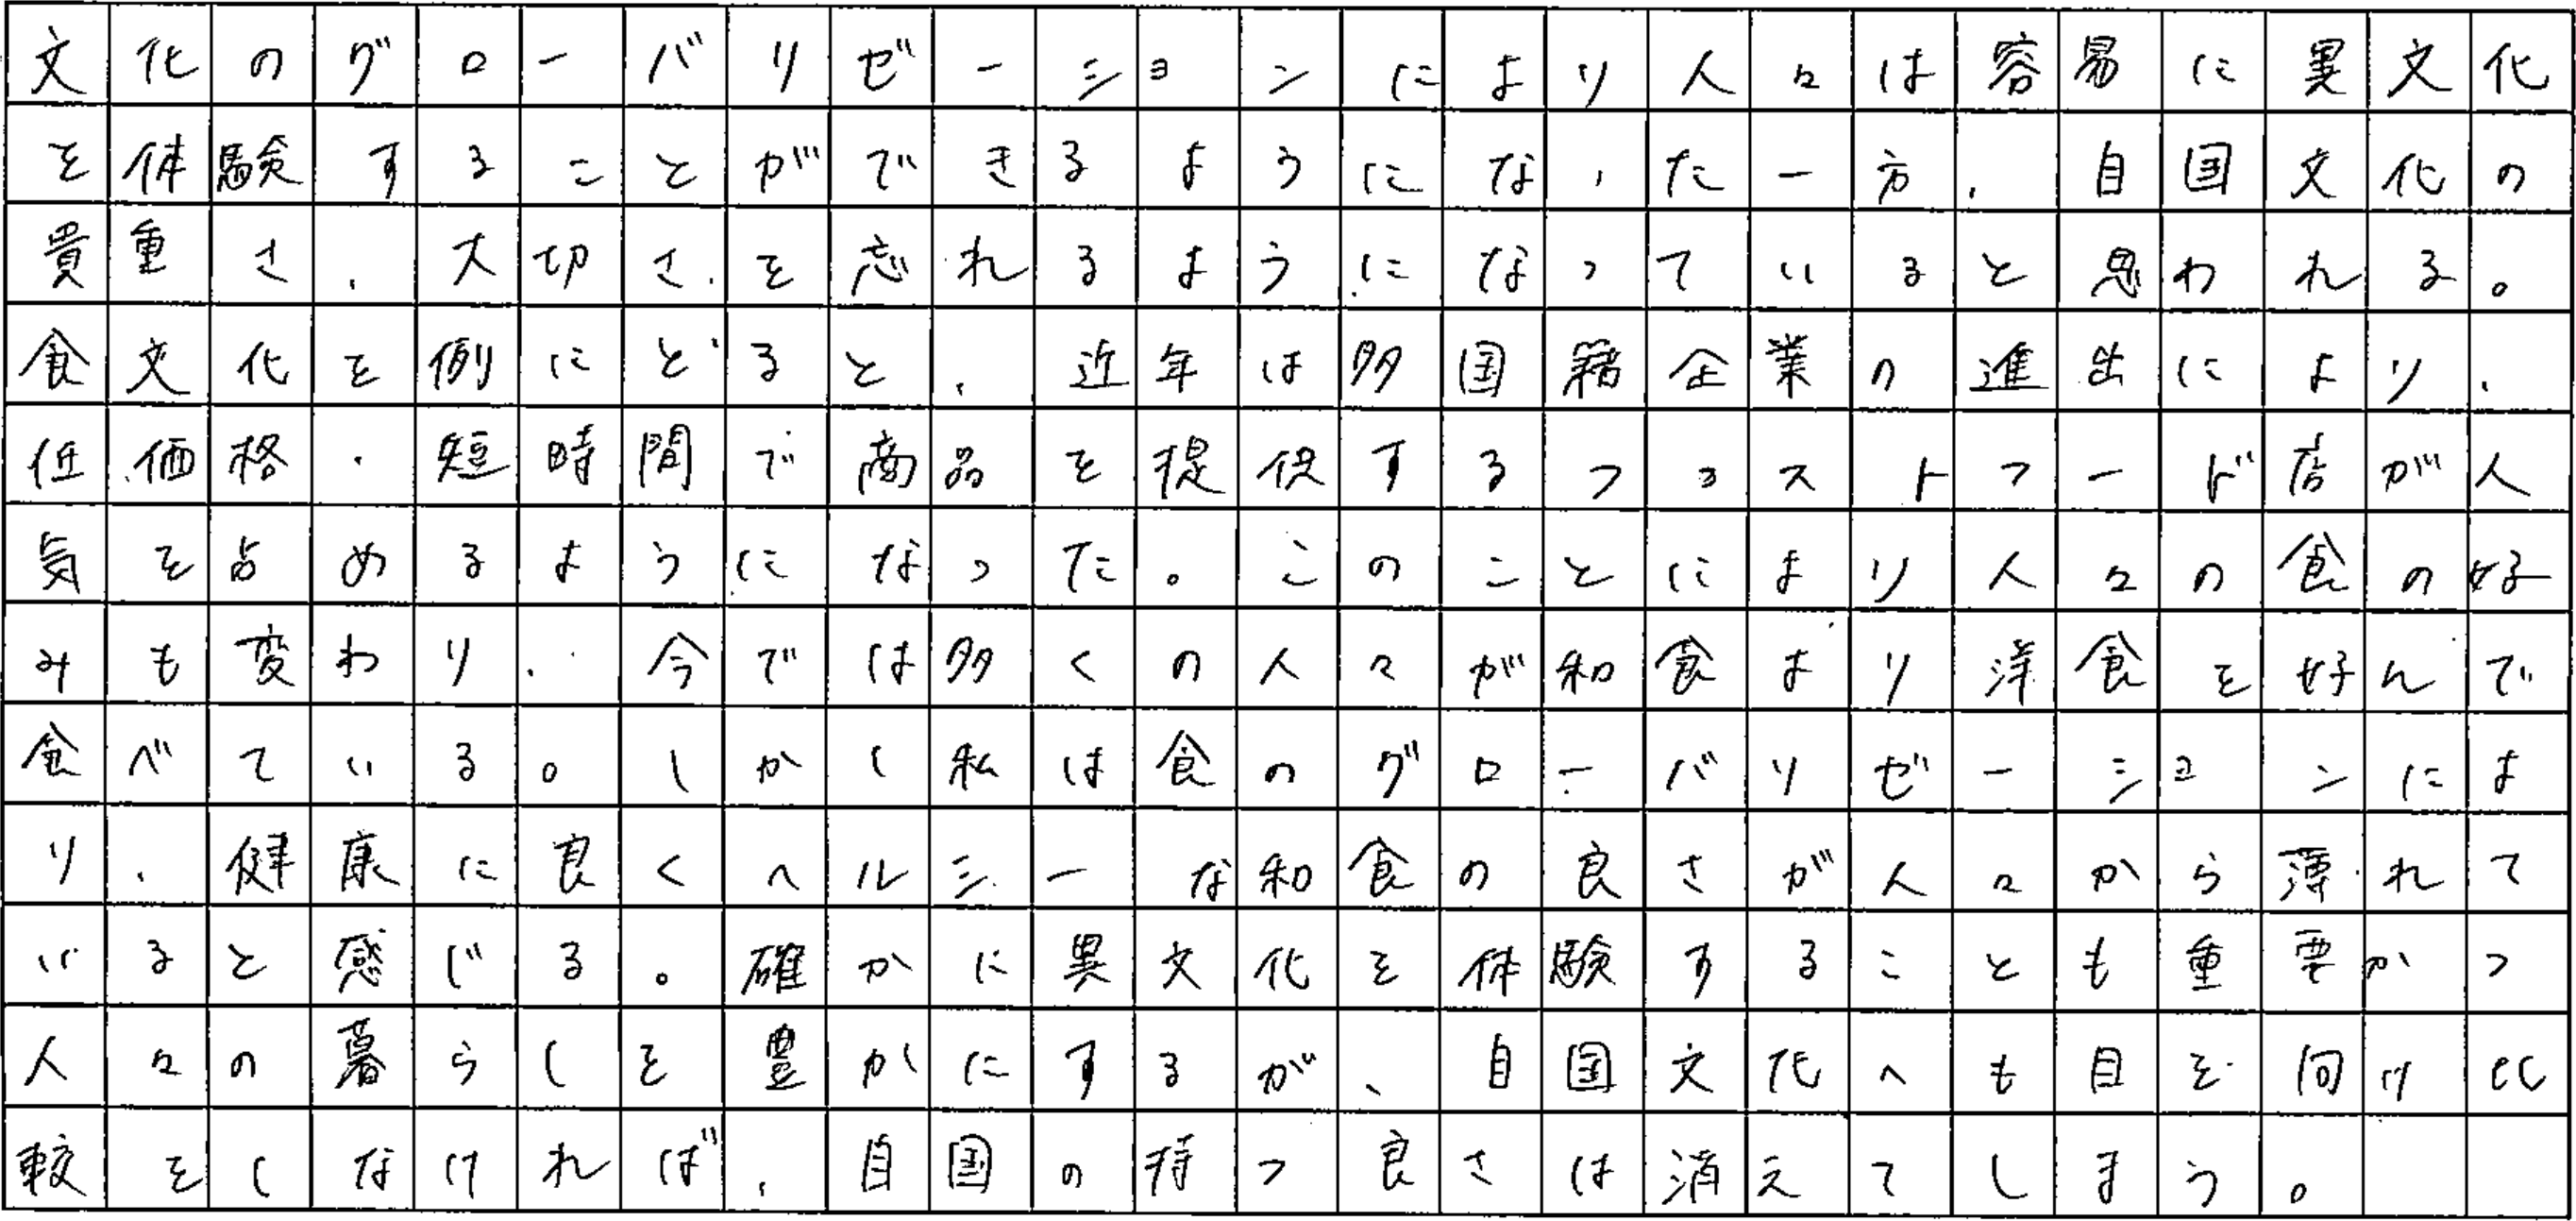文化のグローバリゼーションにより人々は容易に異文化を体験することができるようになった一方、自国文化の貴重さ、大切さを忘れるようになっていると思われる。食文化を例にとると、近年は多国籍企業の進出により、低価格・短時間で商品を提供するファストフード店が人気を占めるようになった。このことにより人々の食の好みも変わり、今では多くの人々が和食より洋食を好んで食べている。しかし私は食のグローバリゼーションにより、健康に良くヘルシーな和食の良さが人々から薄れていると感じる。確かに異文化を体験することも重要かつ人々の暮らしを豊かにするが、自国文化へも目を向け比較をしなければ、自国の持つ良さは消えてしまう。
